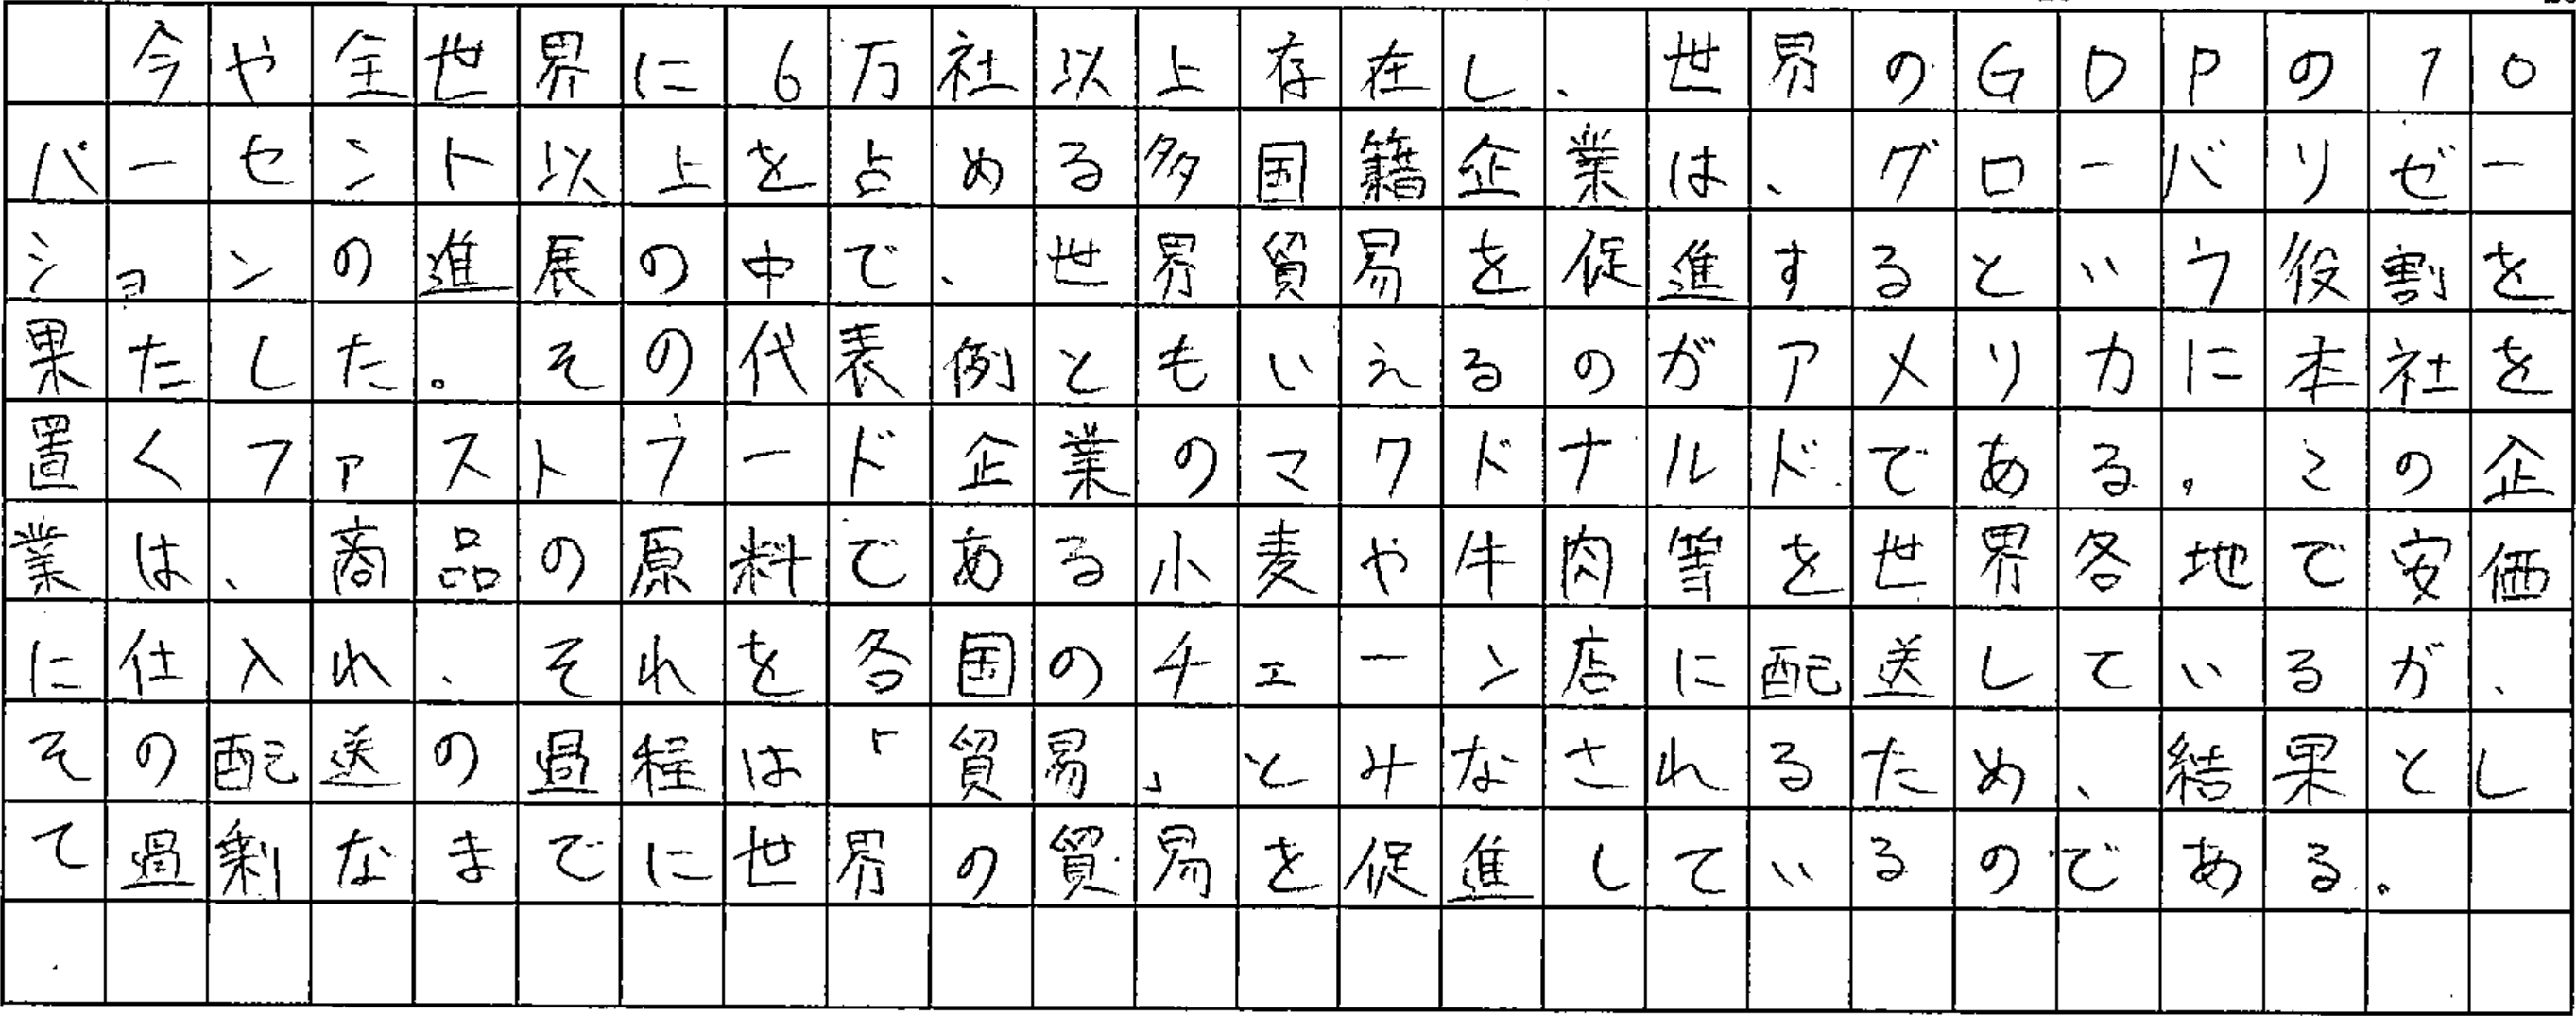　今や全世界に６万社以上存在し、世界のＧＤＰの１０パーセント以上を占める多国籍企業は、グローバリゼーションの進展の中で、世界貿易を促進するという役割を果たした。その代表例ともいえるのがアメリカに本社を置くファストフード企業のマクドナルドである。この企業は、商品の原料である小麦や牛肉等を世界各地で安価に仕入れ、それを各国のチェーン店に配送しているが、その配送の過程は「貿易」とみなされるため、結果として過剰なまでに世界の貿易を促進しているのである。
